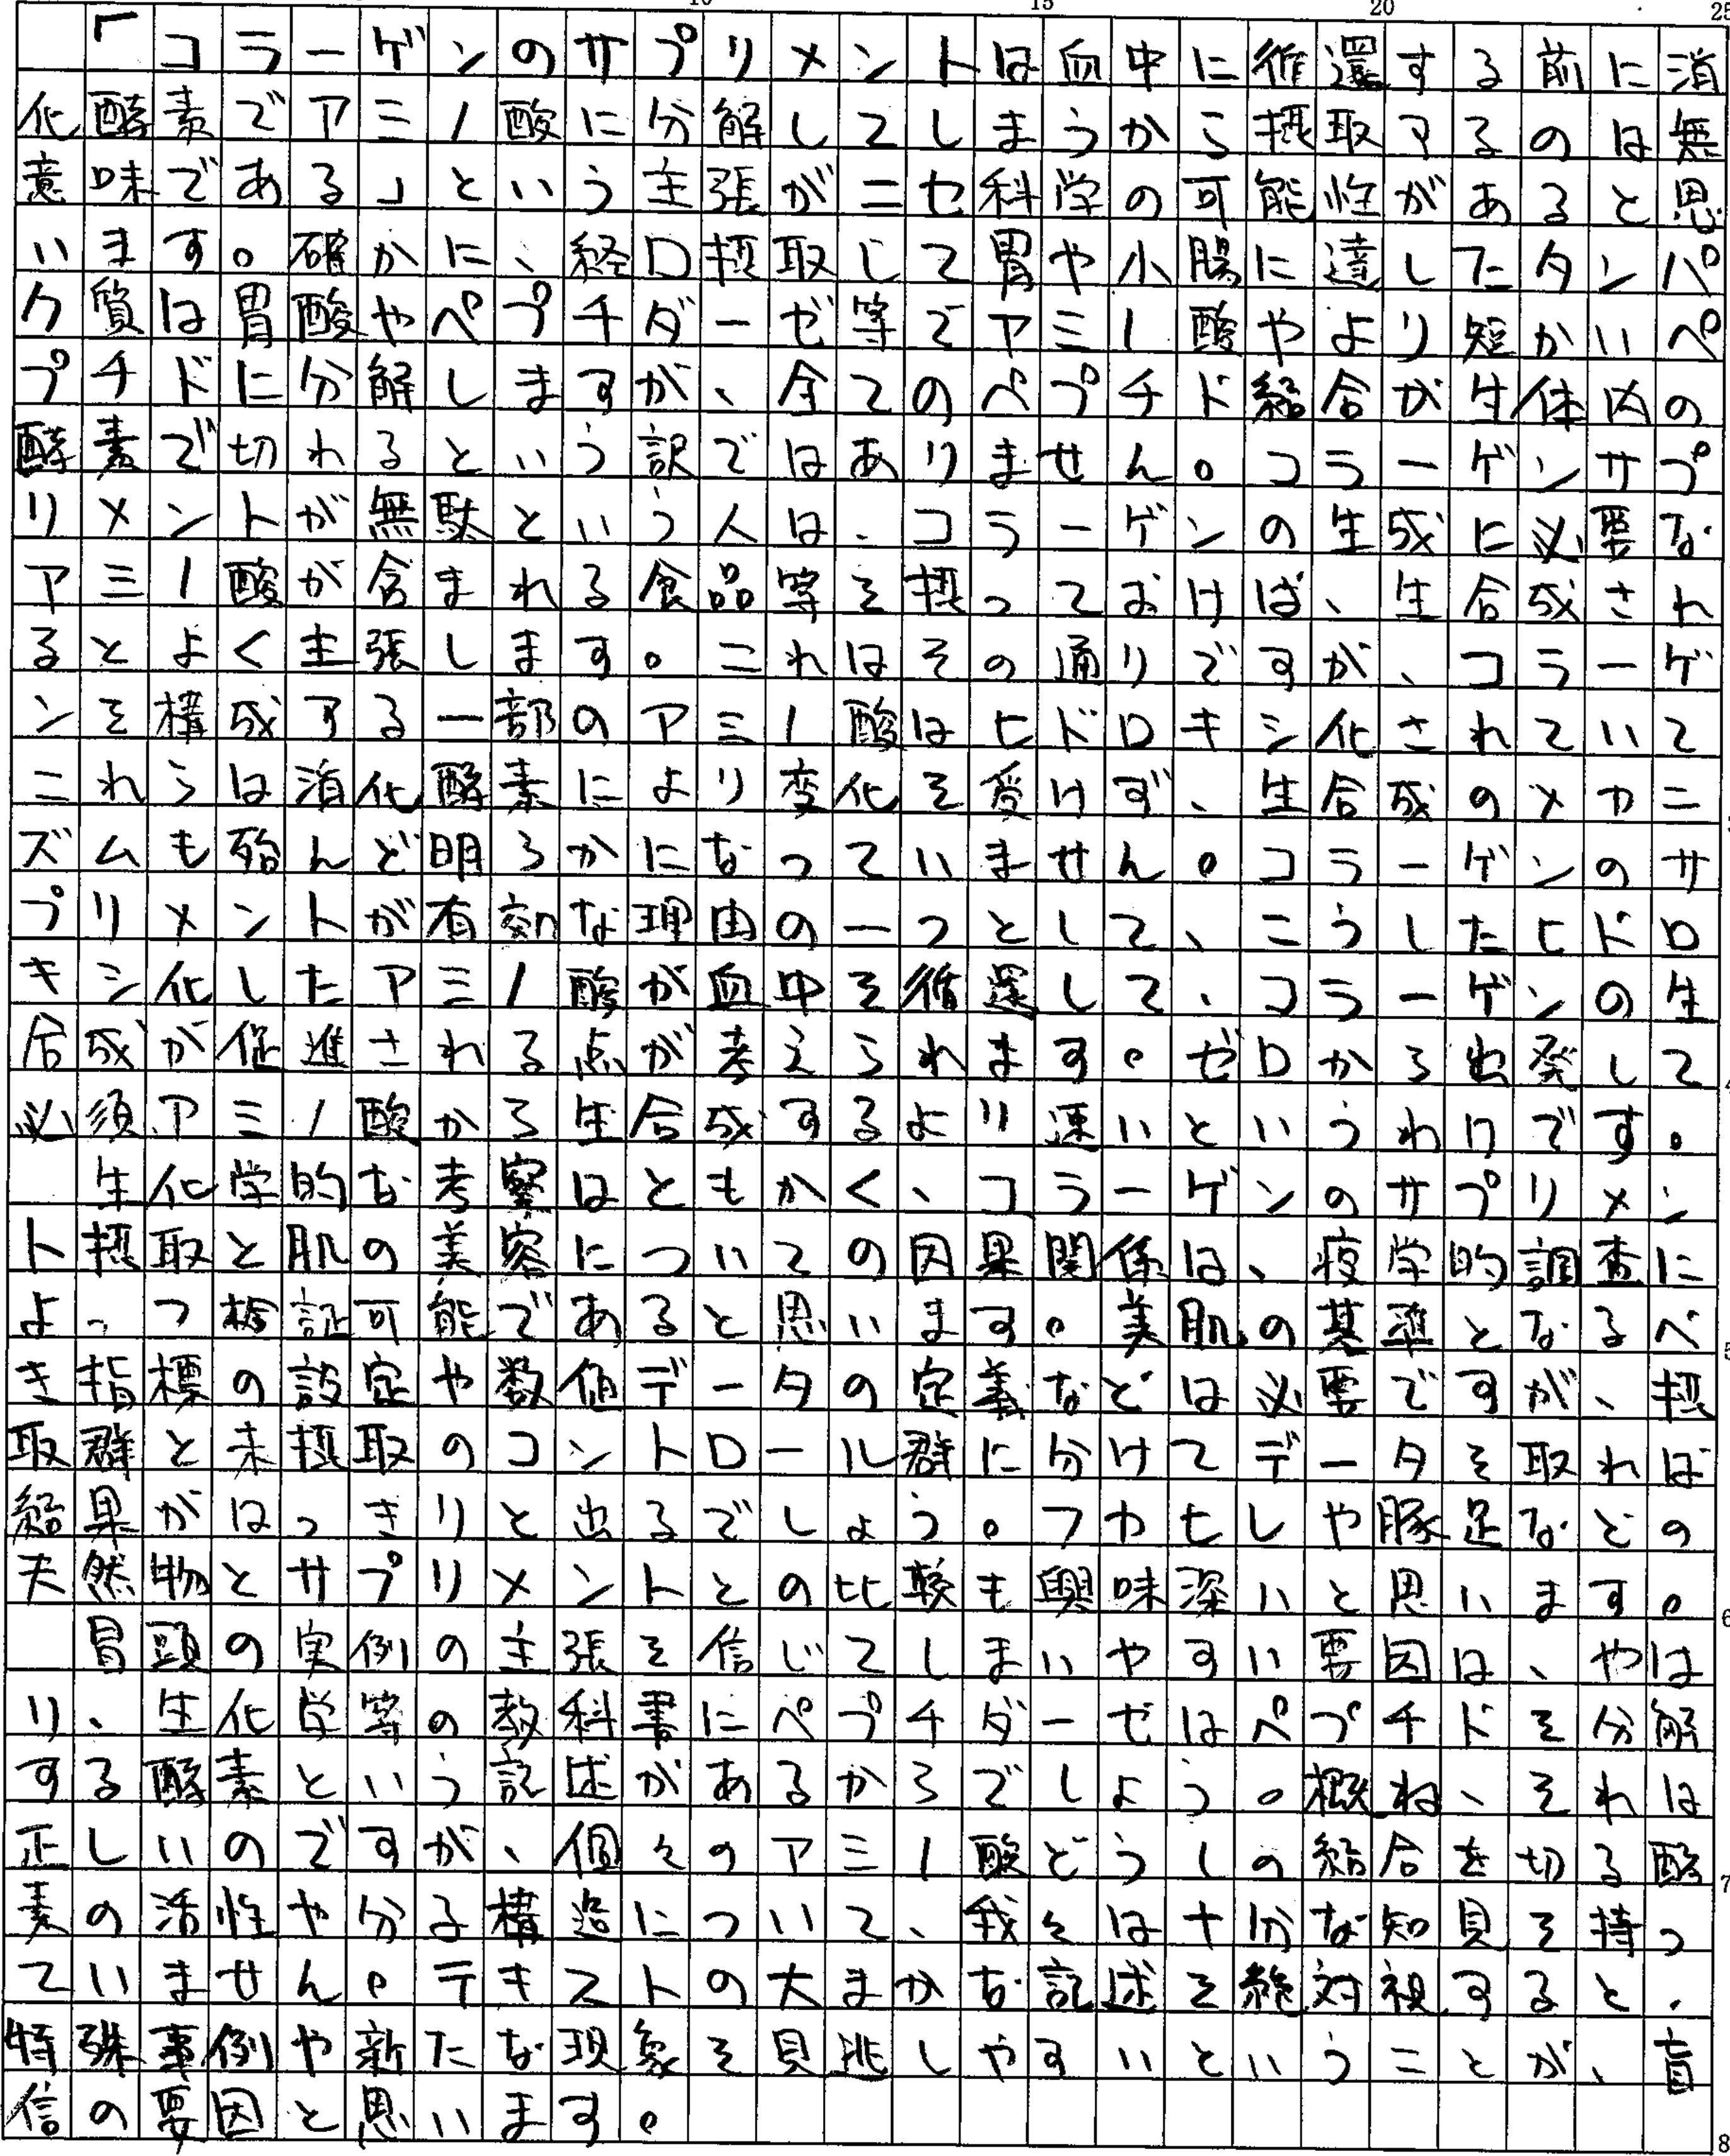　「コラーゲンのサプリメントは血中に循還する前に消化酵素でアミノ酸に分解してしまうから摂取するのは無意味である」という主張がニセ科学の可能性があると思います。確かに、経口摂取して胃や小腸に達したタンパク質は胃酸やペプチダーゼ等でアミノ酸やより短かいペプチドに分解しますが、全てのペプチド結合が生体内の酵素で切れるという訳ではありません。コラーゲンサプリメントが無駄という人は、コラーゲンの生成に必要なアミノ酸が含まれる食品等を摂っておけば、生合成されるとよく主張します。これはその通りですが、コラーゲンを構成する一部のアミノ酸はヒドロキシ化されていてこれらは消化酵素により変化を受けず、生合成のメカニズムも殆んど明らかになっていません。コラーゲンのサプリメントが有効な理由の一つとして、こうしたヒドロキシ化したアミノ酸が血中を循還して、コラーゲンの生合成が促進される点が考えられます。ゼロから出発して必須アミノ酸から生合成するより速いというわけです。
　生化学的な考察はともかく、コラーゲンのサプリメント摂取と肌の美容についての因果関係は、疫学的調査によって検証可能であると思います。美肌の基準となるべき指標の設定や数値データの定義などは必要ですが、摂取群と未摂取のコントロール群に分けてデータを取れば結果がはっきりと出るでしょう。フカヒレや豚足などの天然物とサプリメントとの比較も興味深いと思います。
　冒頭の実例の主張を信じてしまいやすい要因は、やはり、生化学等の教科書にペプチダーゼはペプチドを分解する酵素という記述があるからでしょう。概ね、それは正しいのですが、個々のアミノ酸どうしの結合を切る酵素の活性や分子構造について、我々は十分な知見を持っていません。テキストの大まかな記述を絶対視すると、特殊事例や新たな現象を見逃しやすいということが、盲信の要因と思います。
